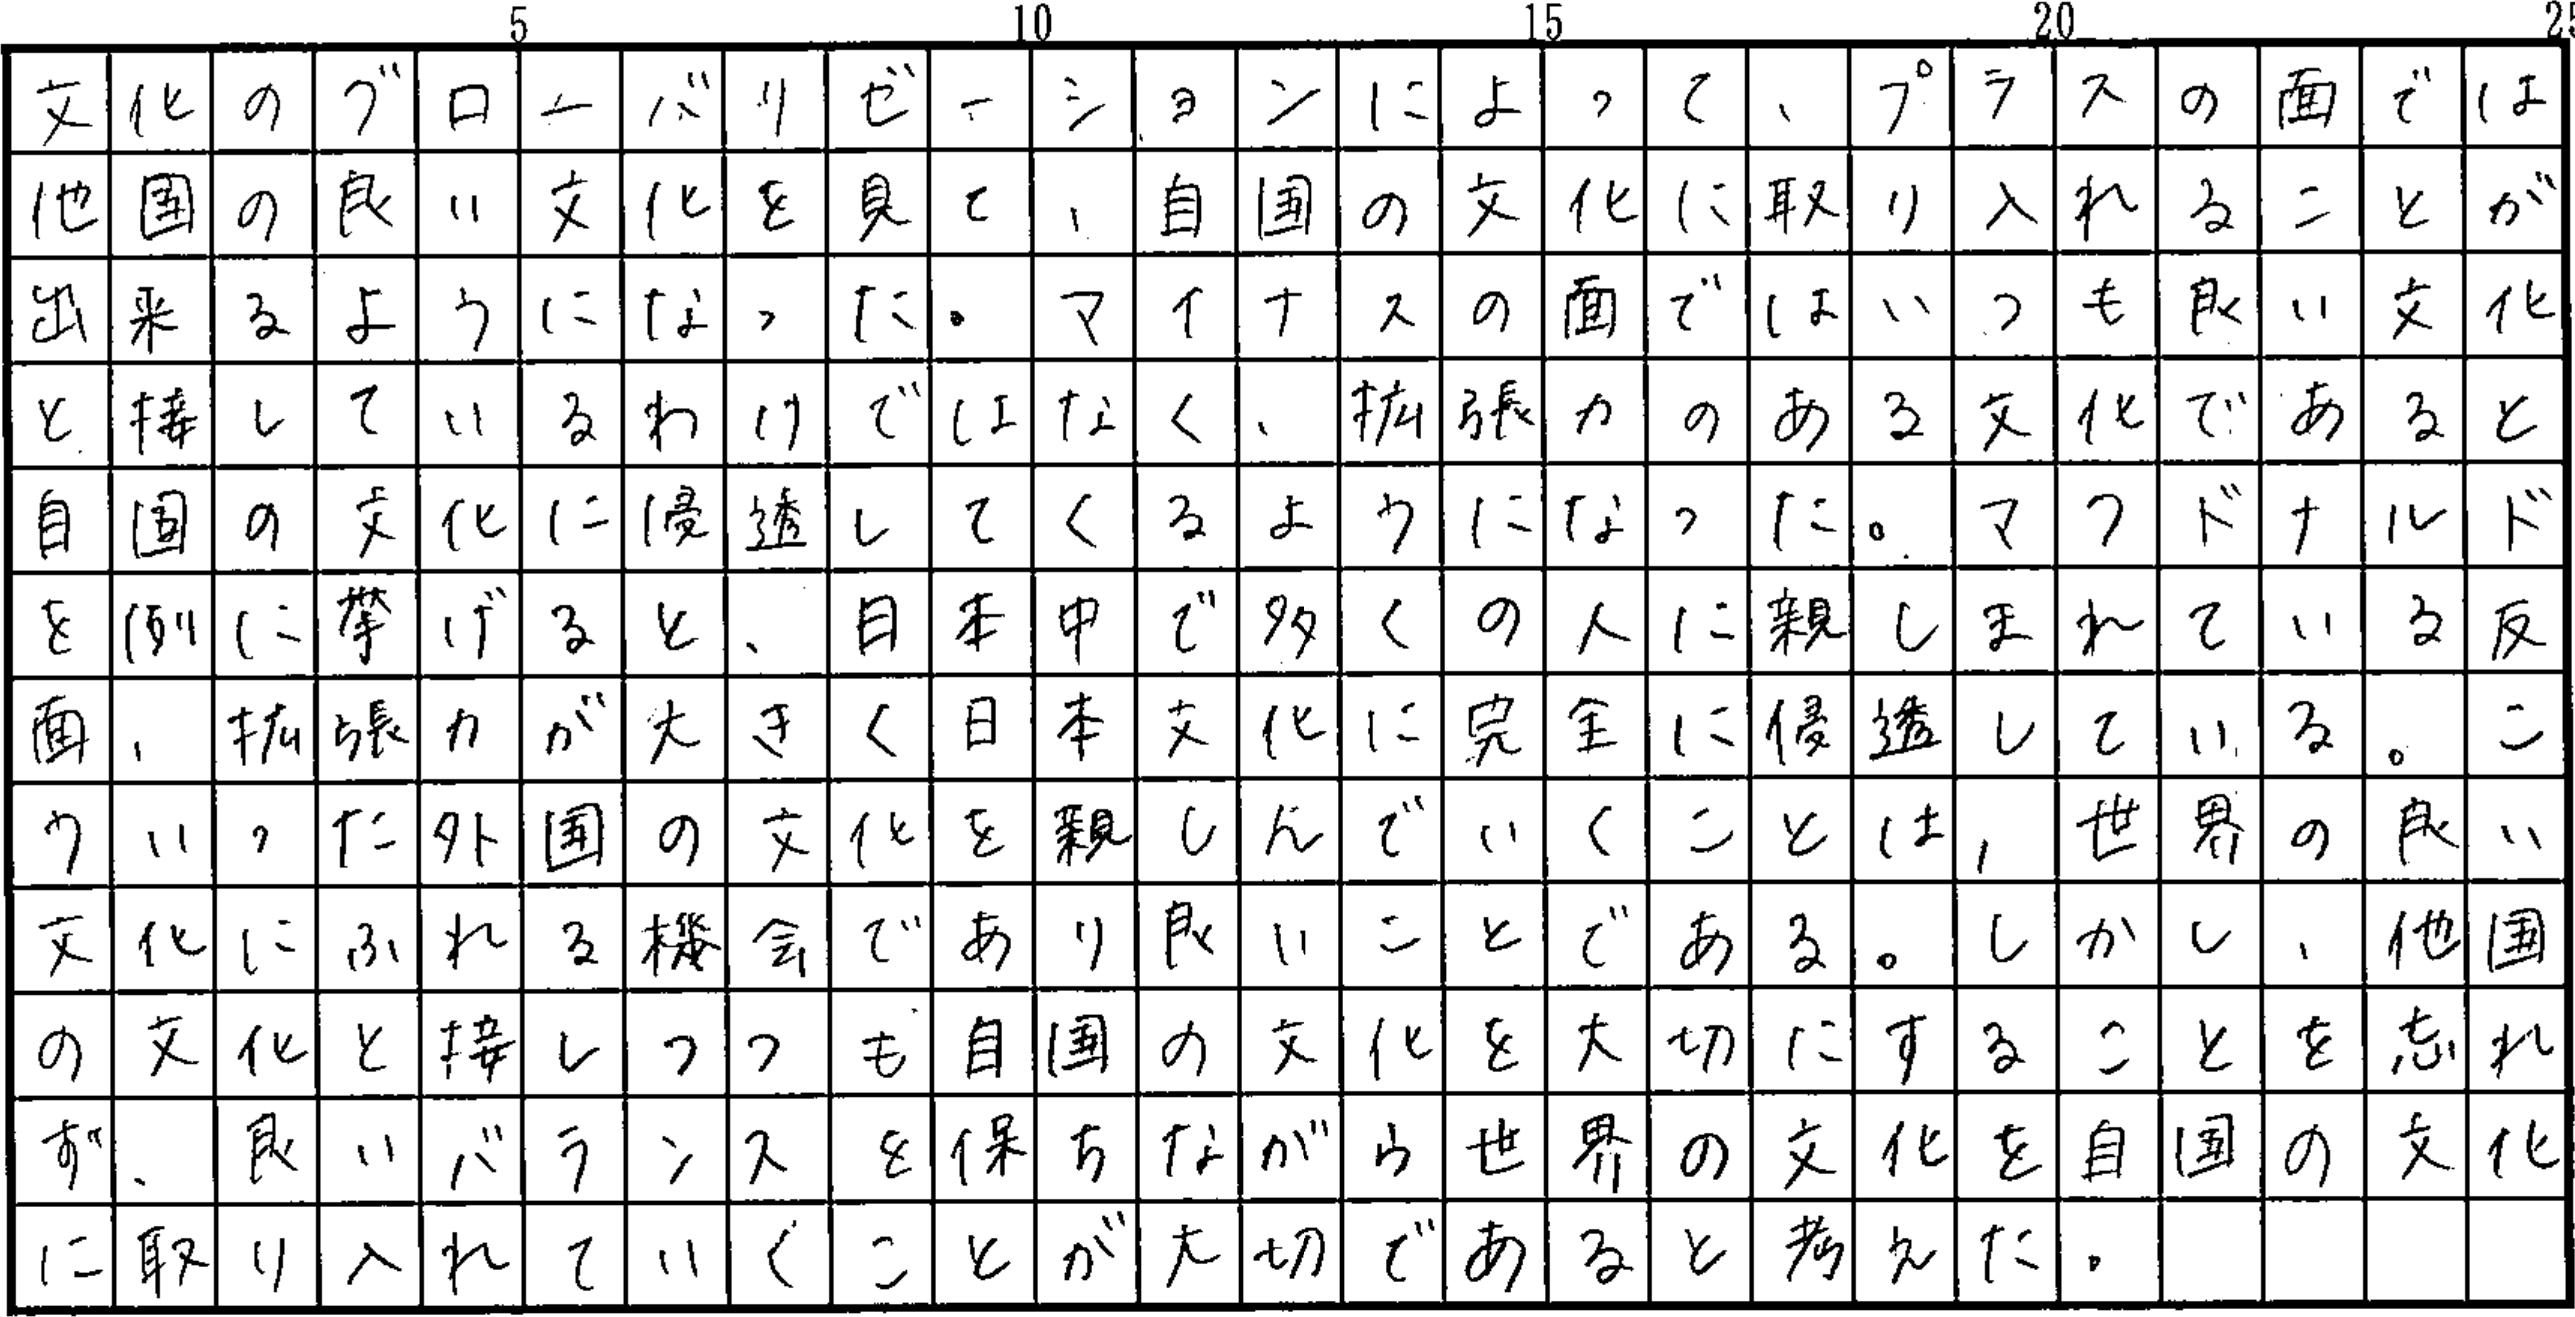文化のグローバリゼーションによって、プラスの面では他国の良い文化を見て、自国の文化に取り入れることが出来るようになった。マイナスの面ではいつも良い文化と接しているわけではなく、拡張力のある文化であると自国の文化に侵透してくるようになった。マクドナルドを例に挙げると、日本中で多くの人に親しまれている反面、拡張力が大きく日本文化に完全に侵透している。こういった外国の文化を親しんでいくことは、世界の良い文化にふれる機会であり良いことである。しかし、他国の文化と接しつつも自国の文化を大切にすることを忘れず、良いバランスを保ちながら世界の文化を自国の文化に取り入れていくことが大切であると考えた。
